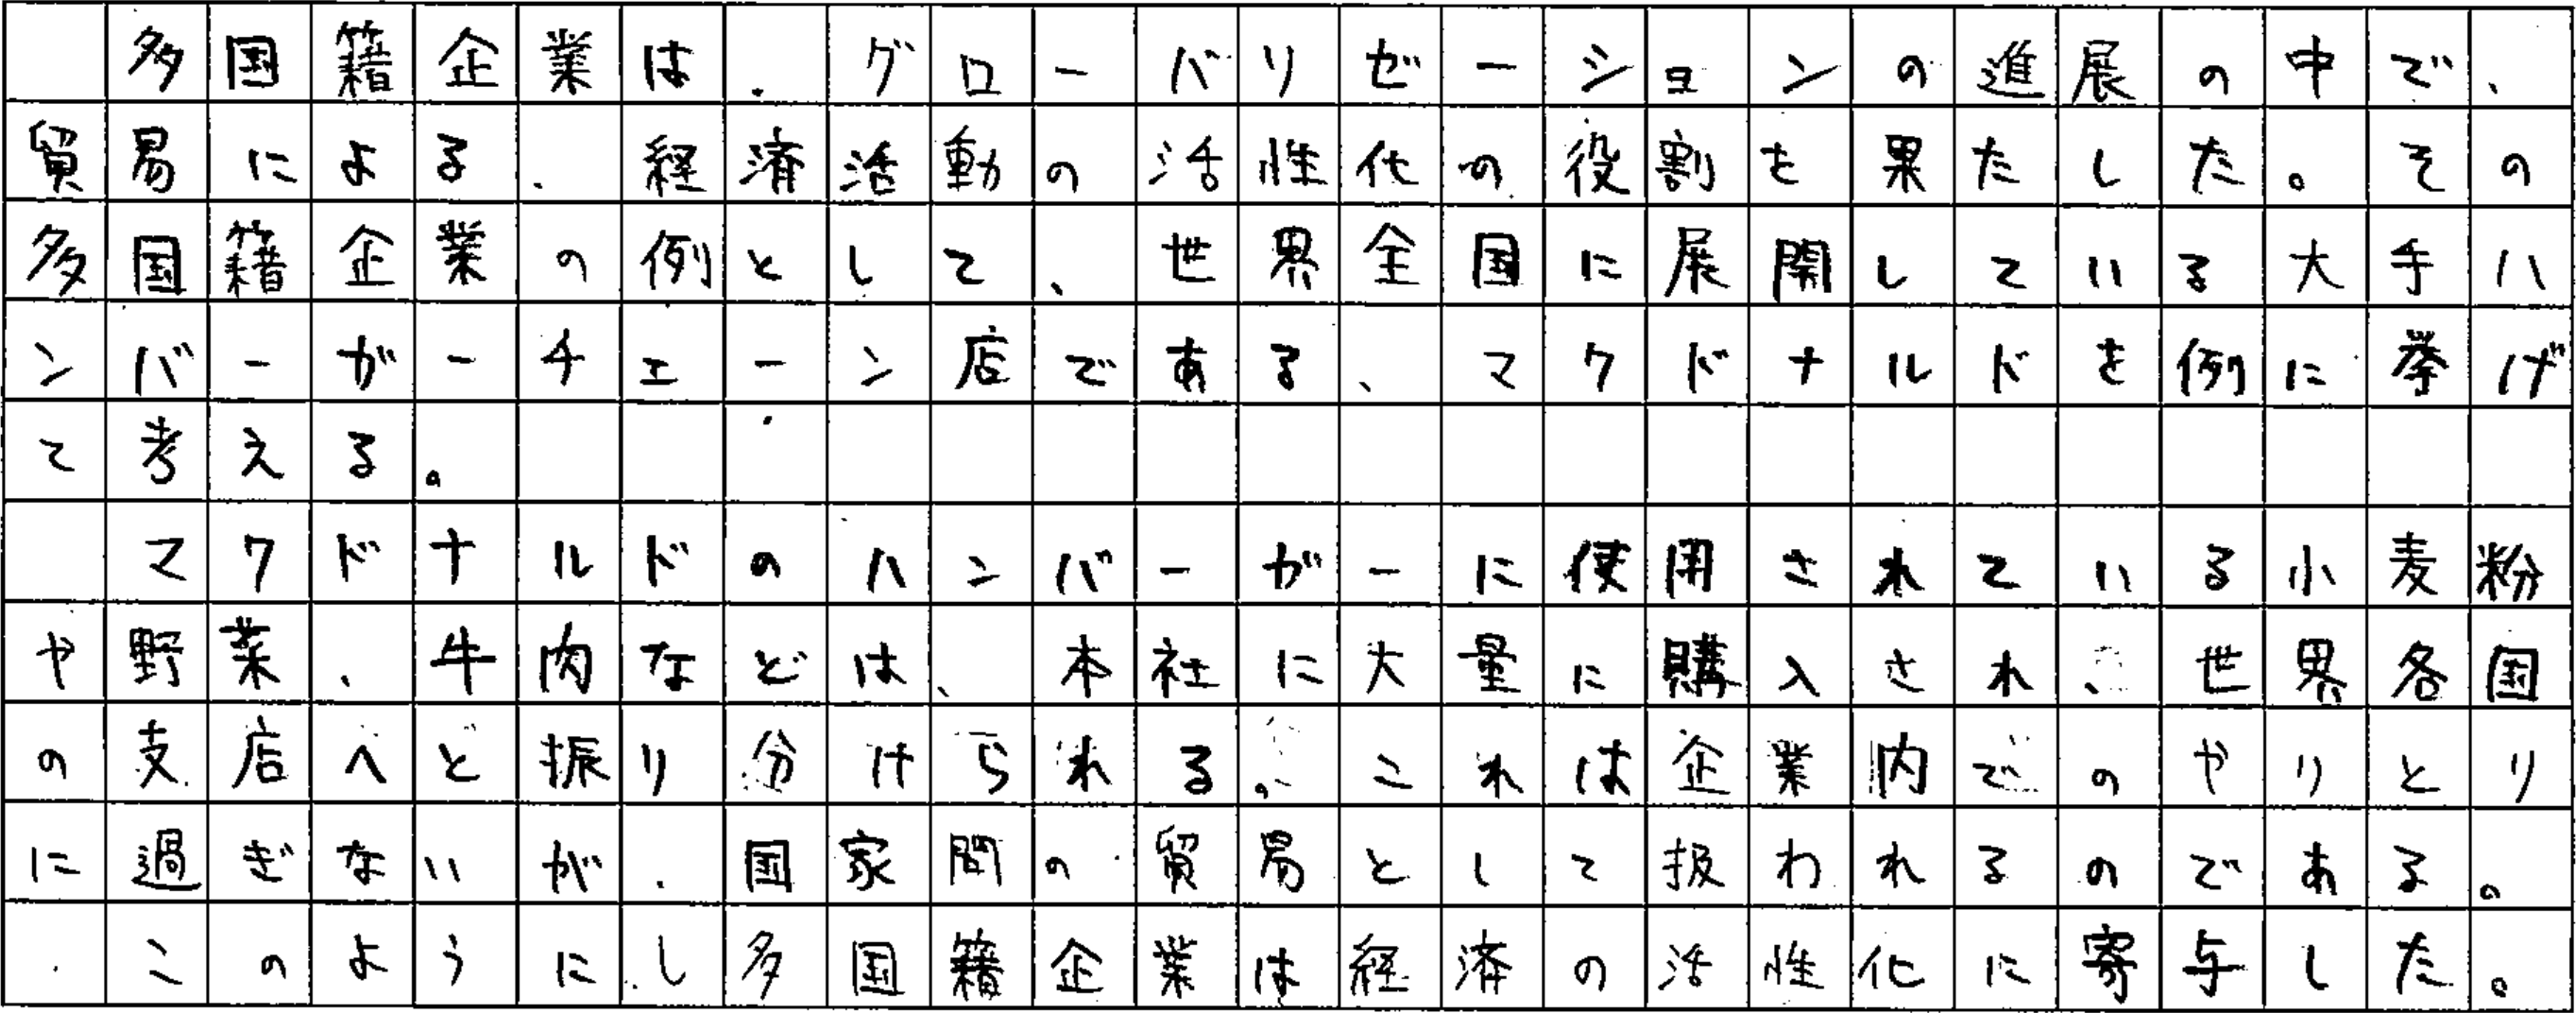　多国籍企業は、グローバリゼーションの進展の中で、貿易による、経済活動の活性化の役割を果たした。その多国籍企業の例として、世界全国に展開している大手ハンバーガーチェーン店である、マクドナルドを例に挙げて考える。
　マクドナルドのハンバーガーに使用されている小麦粉や野菜、牛肉などは、本社に大量に購入され、世界各国の支店へと振り分けられる。これは企業内でのやりとりに過ぎないが、国家間の貿易として扱われるのである。
　このようにし多国籍企業は経済の活性化に寄与した。
